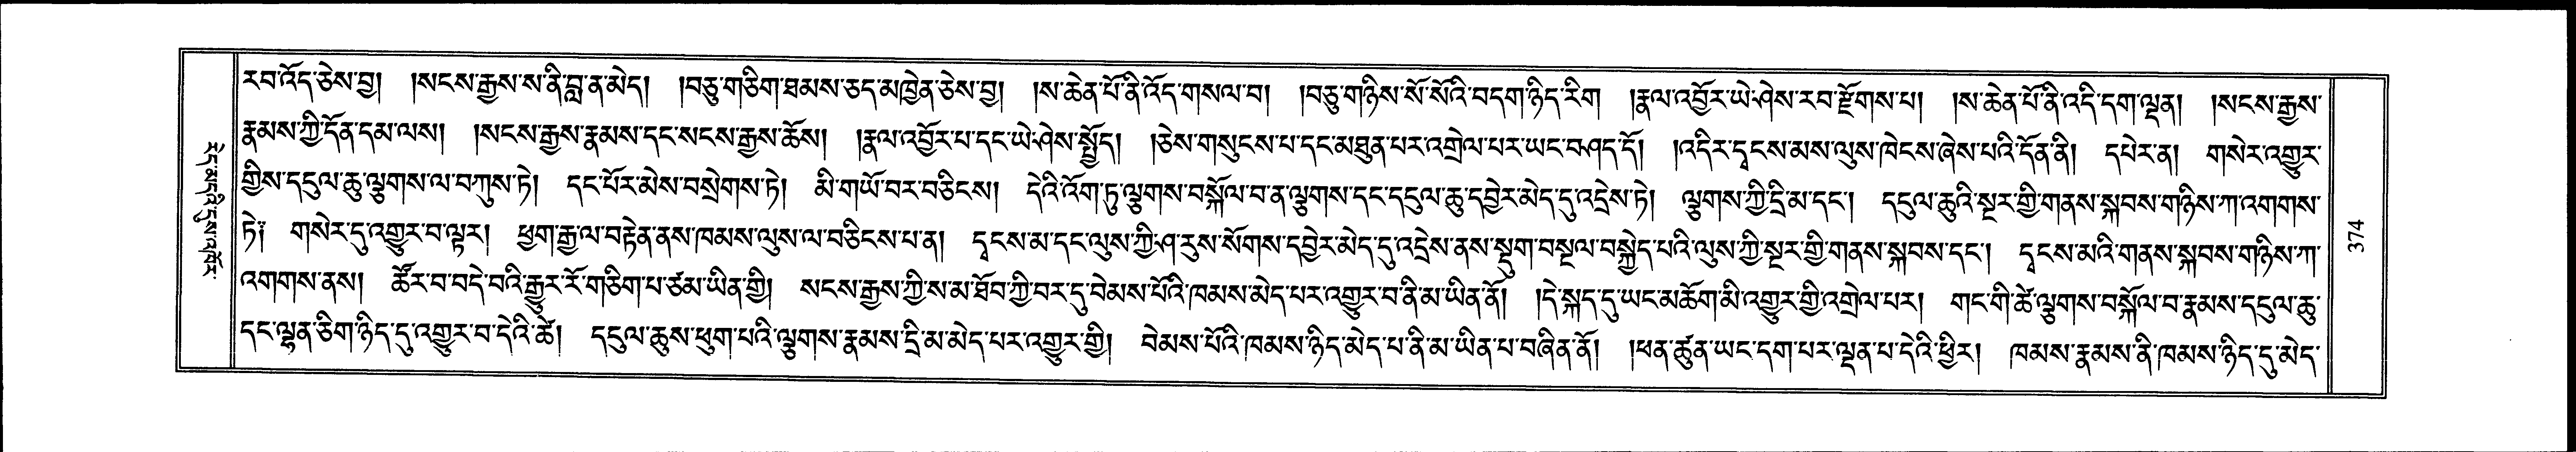རབ་འོད་ཅེས་བྱ། །སངས་རྒྱས་ས་ནི་བླ་ན་མེད། །བཅུ་གཅིག་ཐམས་ཅད་མཁྱེན་ཅེས་བྱ། །ས་ཆེན་པོ་ནི་འོད་གསལ་བ། །བཅུ་གཉིས་སོ་སོའི་བདག་ཉིད་རིག །རྣལ་འབྱོར་ཡེ་ཤེས་རབ་རྫོགས་པ། །ས་ཆེན་པོ་ནི་འདི་དག་ལྡན། །སངས་རྒྱས་
རྣམས་ཀྱི་དོན་དམ་ལས། །སངས་རྒྱས་རྣམས་དང་སངས་རྒྱས་ཆོས། །རྣལ་འབྱོར་པ་དང་ཡེ་ཤེས་སྤྱོད། །ཅེས་གསུངས་པ་དང་མཐུན་པར་འགྲེལ་པར་ཡང་བཤད་དོ། །འདིར་དྭངས་མས་ལུས་ཁེངས་ཞེས་པའི་དོན་ནི། དཔེར་ན། གསེར་འགྱུར་
གྱིས་དངུལ་ཆུ་ལྕགས་ལ་བཀུས་ཏེ། དང་པོར་མེས་བསྲེགས་ཏེ། མི་གཡོ་བར་བཅིངས། དེའི་འོག་ཏུ་ལྕགས་བསྐོལ་བ་ན་ལྕགས་དང་དངུལ་ཆུ་དབྱེར་མེད་དུ་འདྲེས་ཏེ། ལྕགས་ཀྱི་དྲི་མ་དང་། དངུལ་ཆུའི་སྔར་གྱི་གནས་སྐབས་གཉིས་ཀ་འགགས་
ཏེ། གསེར་དུ་འགྱུར་བ་ལྟར། ཕྱག་རྒྱ་ལ་བརྟེན་ནས་ཁམས་ལུས་ལ་བཅིངས་པ་ན། དྭངས་མ་དང་ལུས་ཀྱི་ཤ་རུས་སོགས་དབྱེར་མེད་དུ་འདྲེས་ནས་སྡུག་བསྔལ་བསྐྱེད་པའི་ལུས་ཀྱི་སྔར་གྱི་གནས་སྐབས་དང་། དྭངས་མའི་གནས་སྐབས་གཉིས་ཀ་
འགགས་ནས། ཚོར་བ་བདེ་བའི་རྒྱུར་རོ་གཅིག་པ་ཙམ་ཡིན་གྱི། སངས་རྒྱས་ཀྱི་ས་མ་ཐོབ་ཀྱི་བར་དུ་བེམས་པོའི་ཁམས་མེད་པར་འགྱུར་བ་ནི་མ་ཡིན་ནོ། །དེ་སྐད་དུ་ཡང་མཆོག་མི་འགྱུར་གྱི་འགྲེལ་པར། གང་གི་ཚེ་ལྕགས་བསྐོལ་བ་རྣམས་དངུལ་ཆུ་
དང་ལྷན་ཅིག་ཉིད་དུ་འགྱུར་བ་དེའི་ཚེ། དངུལ་ཆུས་ཕུག་པའི་ལྕགས་རྣམས་དྲི་མ་མེད་པར་འགྱུར་གྱི། བེམས་པོའི་ཁམས་ཉིད་མེད་པ་ནི་མ་ཡིན་པ་བཞིན་ནོ། །ཕན་ཚུན་ཡང་དག་པར་ལྡན་པ་དེའི་ཕྱིར། ཁམས་རྣམས་ནི་ཁམས་ཉིད་དུ་མེད་